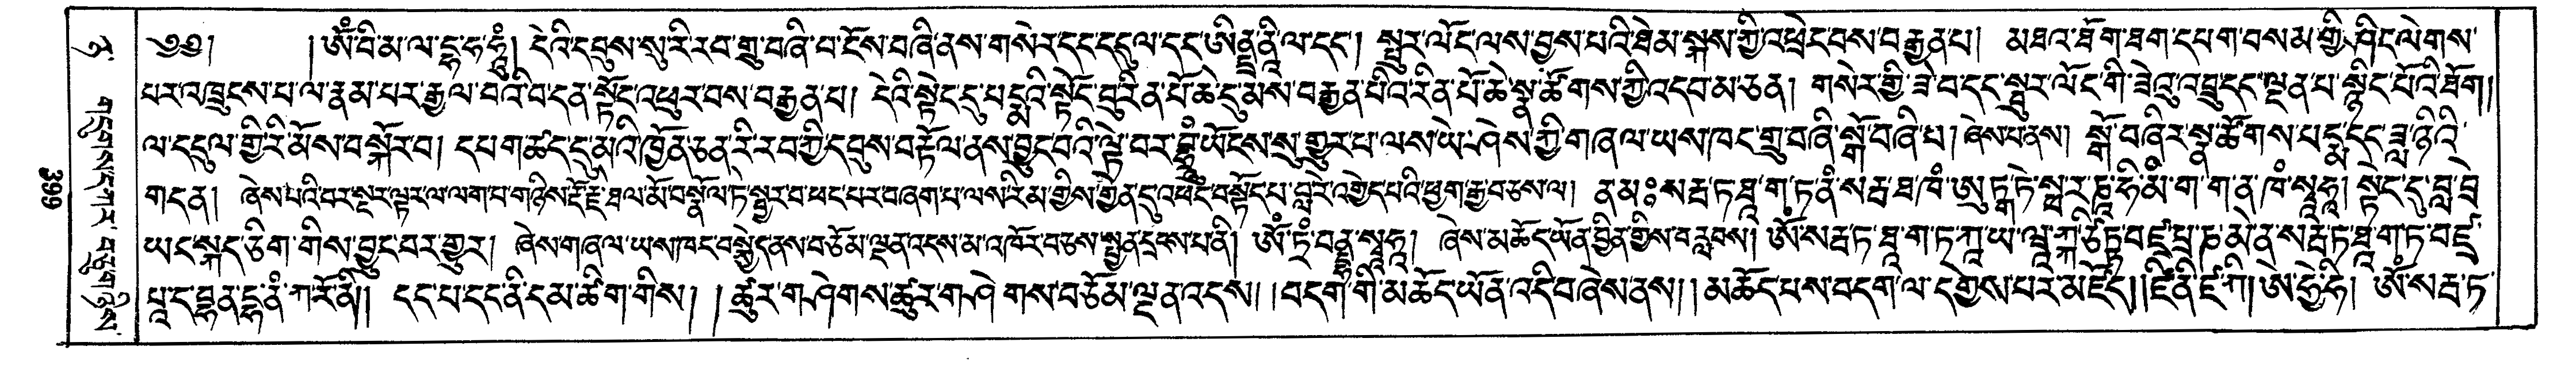༄༅། །ཨོཾ་བི་མ་ལ་དྷ་ཧ་ཧཱུཾ། དེའི་དབུས་སུ་རི་རབ་གྲུ་བཞི་པ་ངོས་བཞི་ནས་གསེར་དང་དངུལ་དང་ཨིནྡྲ་ནཱི་ལ་དང་། སྦུར་ལོང་ལས་བྱས་པའི་ཐེམ་སྐས་ཀྱི་འཕྲེང་བས་བརྒྱན་པ། མཐའ་ཐོག་ཐག་དཔག་བསམ་གྱི་ཤིང་ལེགས་
པར་འཁྲུངས་པ་ལ་རྣམ་པར་རྒྱལ་བའི་བ་དན་སྟོང་འཕུར་བས་བརྒྱན་པ། དེའི་སྟེང་དུ་པདམའི་སྡོང་བུ་རིན་པོ་ཆེ་དུ་མས་བརྒྱན་པའི་རིན་པོ་ཆེ་སྣ་ཚོགས་ཀྱི་འདབ་མ་ཅན། གསེར་གྱི་ཟ་བ་དང་སྤུར་ལོང་གི་ཟེའུ་འབྲུ་དང་ལྡན་པ་སྙིང་པོའི་ཐོག་
ལ་དངུལ་གྱི་རི་མོས་བསྐོར་བ། དཔག་ཚད་དུ་མའི་ཁྱོན་ཅན་རི་རབ་ཀྱི་དབུས་བརྟོལ་ནས་བྱུང་བའི་ལྟེ་བར་བྷཱུཾ་ཡོངས་སུ་གྱུར་པ་ལས་ཡེ་ཤེས་ཀྱི་གཞལ་ཡས་ཁང་གྲུ་བཞི་སྒོ་བཞི་པ། ཞེས་པ་ནས། སྒོ་བཞིར་སྣ་ཚོགས་པདམ་དང་ཟླ་ཉིའི་
གདན། ཞེས་པའི་བར་སྔར་ལྟར་ལ་ལག་པ་གཉིས་རྡོ་རྗེ་ཐལ་མོ་བསྣོལ་ཏེ་སྦྱར་བ་ཕང་པར་བཞག་པ་ལས་རིམ་གྱིས་གྱེན་དུ་འཕང་བསྟོད་པ་བླ་རེ་འགྱེད་པའི་ཕྱག་རྒྱ་བཅས་ལ། ན་མཿ སརྦ་ཏ་ཐཱ་ག་ཏ་ནཾ་སརྦ་ཐ་ཁཾ་ཨུཏྒ་ཏེ་སྦར་ཎཱ་ཧི་མཾ་ག་ག་ན་ཁཾ་སྭཱ་ཧཱ། སྟེང་དུ་བླ་བྲེ་
ཡང་སྐད་ཅིག་གིས་བྱུང་བར་གྱུར། ཞེས་གཞལ་ཡས་ཁང་བསྐྱེད་ནས་བཅོམ་ལྡན་འདས་མ་འཁོར་བཅས་སྤྱན་དྲངས་པ་ནི། ཨོཾ་ཏྲཾ་བནྡྷ་སྭཱཧཱ། ཞེས་མཆོད་ཡོན་བྱིན་གྱིས་བརླབས། ཨོཾ་སརྦ་ཏ་ཐཱ་ག་ཏ་ཀཱ་ཡ་ཝཱཀྐ་ཙིཏྟ་བཛྲ་པྲ་ཎ་མེ་ན་ས་རྦ་ཏ་ཐཱ་ག་ཏ་བཛྲ་
པཱ་ད་བྷན་དྷ་ནཾ་ཀ་རོ་མི། དད་པ་དང་ནི་དམ་ཚིག་གིས། །ཚུར་གཤེགས་ཚུར་གཤེགས་བཅོམ་ལྡན་འདས། །བདག་གི་མཆོད་ཡོན་འདི་བཞེས་ནས། །མཆོད་པས་བདག་ལ་དགྱེས་པར་མཛོད། །ཛི་ན་ཛིཀ། ཨེ་ཧྱེ་ཧི། ཨོཾ་སརྦ་ཏ་